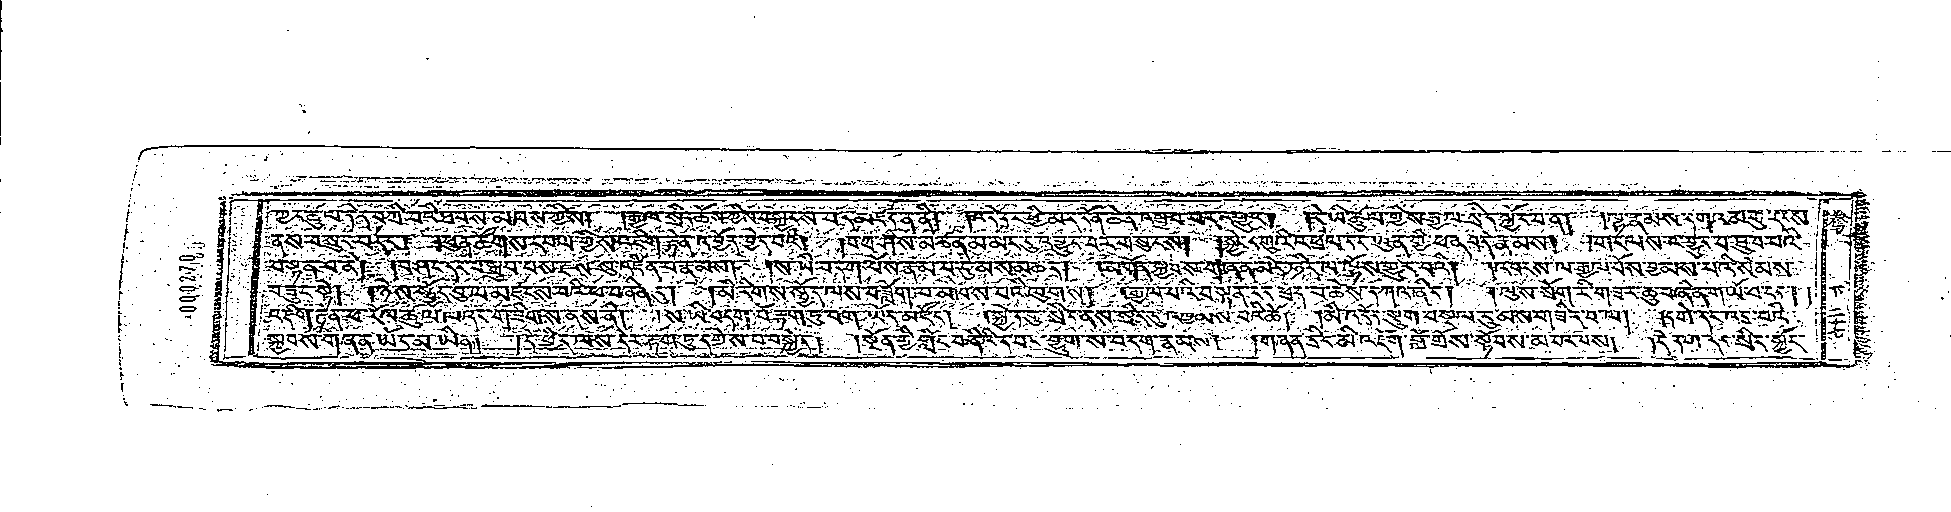ཀྱང་ཚུལ་དེར་བཀྲི་བའི་ཐབས་མཁས་ཀྱིས། །རྒྱལ་སྲིད་ཆོས་ཀྱིས་བསྐྱངས་བད་མཛད་ན་ནི། །འདི་དང་ཕྱི་མད་དོན་ཆེན་འགྲུབ་པར་འགྱུར། །དེ་ཡི་ཚུལ་གྱིས་རྒྱལ་སྲིད་སྐྱོང་བ་ན། །ལྟ་རྣམས་དགའ་མགུ་རངས་
ནས་བསྲུང་བ་དང་། །ཕུན་ཚོགས་དཔལ་གྱིས་འཇིག་རྟེན་འབྱོར་བྱེད་པའི། །བཀྲ་ཤིས་མཚན་མ་མང་དུ་འབྱུང་བར་གསུངས། །སྐྱེ་དགུའི་འཕྲལ་དང་ཡུན་གྱི་ཕན་བདེ་རྣམས། །གང་ལས་འབྱུང་བ་ཐུབ་པའི་
བསྟན་པ་ནི། །བཤད་དད་པ་སྒྲུབ་པས་རྗེས་སུ་འཛིན་པ་རྣམས། །ས་ཡི་བདག་པོས་རྣམ་པ་དུ་མས་མཆད། །མགོན་སྐྱབས་གཞན་མེད་ཉིད་ལ་ལྟོས་གྱུར་བའི། །འབངས་ལ་རྒྱལ་པོས་བྱམས་པའི་སེམས་
བཟུང་སྟེ། །ཉེས་སྤྱོད་བུ་ལ་མཛངས་བའི་ཕ་བཞིན་དུ། །མི་རིགས་སྤྱོད་ལས་བཟློག་བ་མཁས་བའི་ཁུགས། །རྒྱལ་པའི་བསྟན་ངང་ཕྲད་པ་ཆེས་དཀའ་ཞིང་། །ལུས་སྲོག་རི་གཟར་ཆུ་བཞིན་གཡོ་བ་དང་། །
འཇིག་རྟེན་ཕ་རོལ་ཚུལ་ལའང་གཟིགས་ནས་ནི། །ས་ཡི་བདག་པོ་རྟག་ཏུ་བག་ཡོད་མཛོད། །སྐྱེ་དབུ་སྲིད་ནས་སྲིད་དུ་འཁྱམས་པའི་ཚེ། །མི་འདོད་སྡུག་བསྔལ་དུམས་གཟིར་བ་ལ། །དགེ་དང་འདྲ་བའི་
སྐྱབས་གཞན་ཡོད་མ་ཡིན། །དེ་ཕྱིར་ལས་དེར་རྟག་ཏུ་དགྱེས་པ་བསྐྱེད། །སྔོན་གྱི་གླིང་བཞིའི་དབང་བྱུགས་བདག་རྣམས། །གཞན་དྲིང་མི་འཇོག་བློ་གྲོས་སྟོབས་མདའ་བས། །དེ་དག་དད་སྲིད་སྐྱོང་